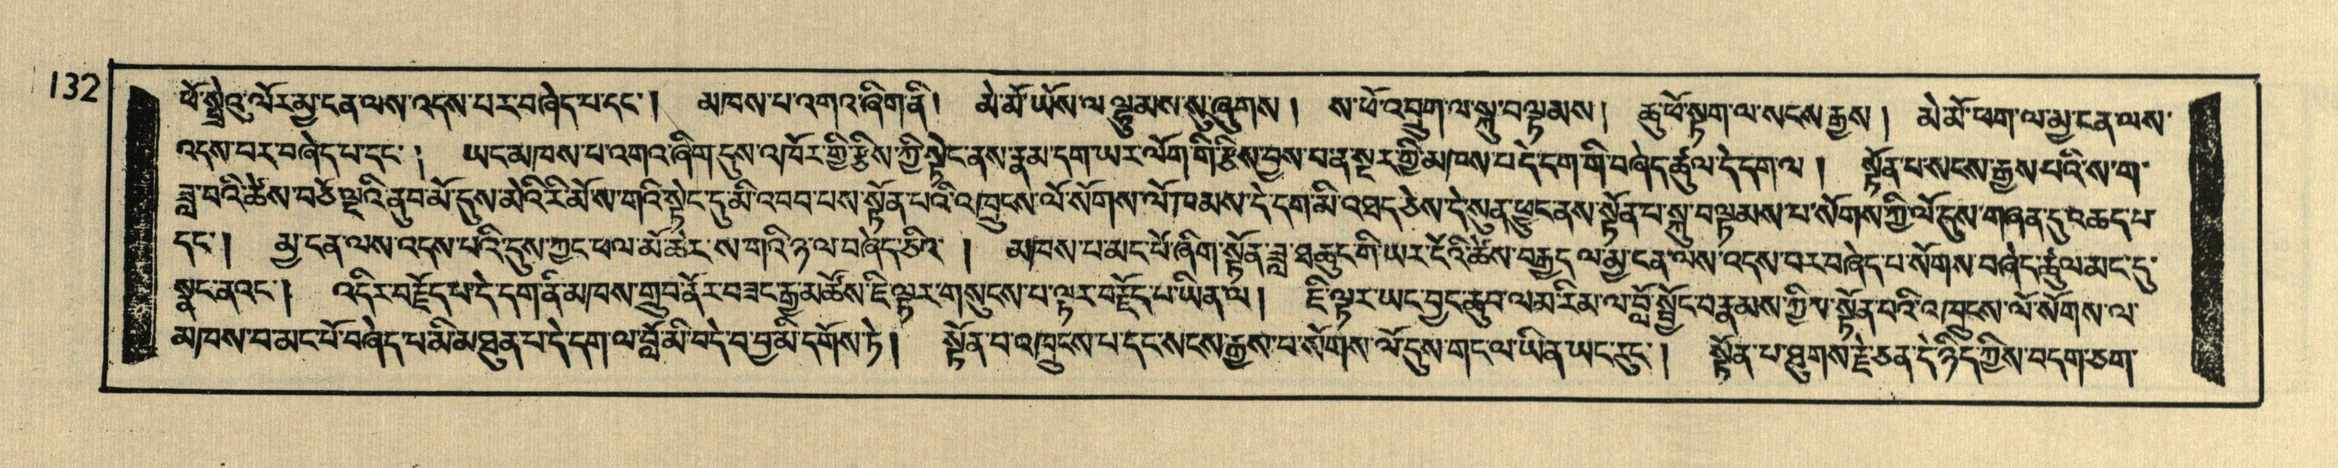ཕོ་སྤྲེའུ་ལོར་མྱ་ངན་ལས་འདས་པར་བཞེད་པ་དང་། མཁས་པ་འགའ་ཞིག་ནི། མེ་མོ་ཡོས་ལ་ལྷུམས་སུ་ཞུགས། ས་ཕོ་འབྲུག་ལ་སྐུ་བལྟམས། ཆུ་ཕོ་སྟག་ལ་སངས་རྒྱས། མེ་མོ་ཕག་ལ་མྱ་ངན་ལས་
འདས་པར་བཞེད་པ་དང་། ཡང་མཁས་པ་འགའ་ཞིག་དུས་འཁོར་གྱི་རྩིས་ཀྱི་སྟེང་ནས་རྣམ་དག་ཡར་ལོག་གི་རྩིས་བྱས་བ་ན་སྔར་གྱི་མཁས་པ་དེ་དག་གི་བཞེད་ཚུལ་དེ་དག་ལ། སྟོན་པ་སངས་རྒྱས་པའི་ས་ག་
ཟླ་བའི་ཚེས་བཅོ་ལྔའི་ནུབ་མོ་དུས་མེའི་རི་མོ་ས་གའི་སྟེང་དུ་མི་འབབ་པས་སྟོན་པའི་འཁྲུངས་ལོ་སོགས་ལོ་ཁམས་དེ་དག་མི་འཐད་ཅེས་དེ་སུན་ཕྱུང་ནས་སྟོན་པ་སྐུ་བལྟམས་པ་སོགས་ཀྱི་ལོ་དུས་གཞན་དུ་འཆད་པ་
དང་། མྱ་ངན་ལས་འདས་པའི་དུས་ཀྱང་ཕལ་མོ་ཆེར་ས་གའི་ཉ་ལ་བཞེད་ཅའི་། མཁས་པ་མང་པོ་ཞིག་སྟོན་ཟླ་ཐ་ཆུང་གི་ཡར་ངོའི་ཚེས་བརྒྱད་ལ་མྱ་ངན་ལས་འདས་པར་བཞེད་པ་སོགས་བཞེད་ཚུལ་མང་དུ་
སྣང་ནའང་། འདིར་བརྗོད་པ་དེ་དག་ནི་མཁས་གྲུབ་ནོར་བཟང་རྒྱ་མཚོས་ཇི་ལྟར་གསུངས་པ་ལྟར་བརྗོད་པ་ཡིན་ལ། ཇི་ལྟར་ཡང་བྱང་ཆུབ་ལམ་རིམ་ལ་བློ་སྦྱོང་བ་རྣམས་ཀྱིས་སྟོན་པའི་འཁྲུངས་ལོ་སོགས་ལ་
མཁས་བ་མང་པོ་བཞེད་པ་མི་མཐུན་པ་དེ་དག་ལ་བློ་མི་བདེ་བ་བྱ་མི་དགོས་ཏེ། སྟོན་པ་འཁྲུངས་པ་དང་སངས་རྒྱས་པ་སོགས་ལོ་དུས་གང་ལ་ཡིན་ཡང་རུང་། སྟོན་པ་ཐུགས་རྗེ་ཅན་དེ་ཉིད་ཀྱིས་བདག་ཅག་